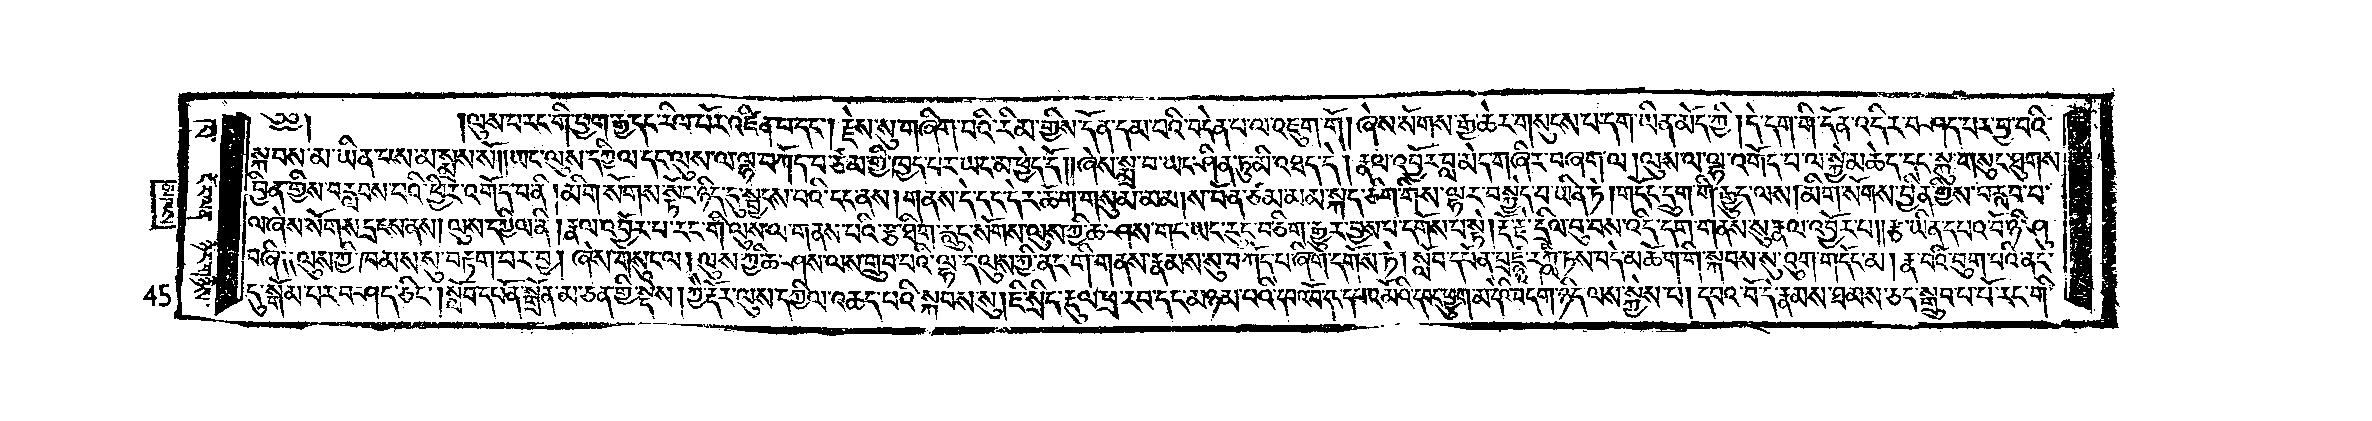༄༅། །ལུས་པ་རང་གི་ཕྱག་རྒྱ་དང་རིལ་པོར་འཛིན་པ་དང་། རྗེས་སུ་གཞིག་པའི་རིམ་གྱིས་དོན་དམ་པའི་བདེན་པ་ལ་འཇུག་གོ། ཞེས་སོགས་རྒྱ་ཆེར་གསུངས་པ་དག་ཡིན་མོད་ཀྱི། དེ་དག་གི་དོན་འདིར་བཤད་པར་བྱ་བའི་
སྐབས་མ་ཡིན་པས་མ་སྨྲས་སོ། །ཡང་ལུས་དཀྱིལ་དང་ལུས་ལ་ལྷ་བཀོད་པ་ཙམ་གྱི་ཁྱད་པར་ཡང་མ་ཕྱེད་དོ། །ཞེས་སྨྲ་བ་ཡང་ཤིན་ཏུ་མི་འཐད་དེ། རྣལ་འབྱོར་བླ་མེད་གཞིར་བཞག་ལ། ལུས་ལ་ལྷ་འགོད་པ་ལ་སྐྱེ་མཆེད་དང་སྐུ་གསུང་ཐུགས་
བྱིན་གྱིས་བརླབས་པའི་ཕྱིར་འགོད་པ་ནི། མིག་སོགས་སྟོང་ཉིད་དུ་སྦྱངས་པའི་ངང་ནས། གནས་དེ་དང་དེར་ཆོ་ག་གསུམ་མམ། ས་བོན་ཙམ་མམ་སྐད་ཅིག་གིས་ལྷར་བསྐྱེད་པ་ཡིན་ཏེ། གདོང་དྲུག་གི་རྒྱུད་ལས། མིག་སོགས་བྱིན་གྱིས་བརླབ་པ་
ལ་ཞེས་སོགས་དྲངས་ནས། ལུས་དཀྱིལ་ནི། རྣལ་འབྱོར་པ་རང་གི་ལུས་ལ་གནས་པའི་རྩ་ཐིག་རླུང་སོགས་ལུས་ཀྱི་ཆ་ཤས་གང་ཡང་རུང་བ་ཅིག་རྒྱུར་བྱས་པ་དགོས་པ་སྟེ། རྡོ་རྗེ་དྲིལ་བུ་བས་འདི་དག་གནས་སུ་རྣལ་འབྱོར་པ། །རྩ་ཡིན་དཔའ་བོ་ཉི་ཤུ་
བཞི༑ ༑ལུས་ཀྱི་ཁམས་སུ་བརྟག་པར་བྱ། ཞེས་གསུང་ལ། ལུས་ཀྱི་ཆ་ཤས་ལས་གྲུབ་པའི་ལྷ་དེ་ལུས་ཀྱི་ནང་གི་གནས་རྣམས་སུ་བཀོད་པ་ཞིག་དགོས་ཏེ། སློབ་དཔོན་པརྫྙཱ་རཀྵི་ཏས་བདེ་མཆོག་གི་སྐབས་སུ་འུག་གདོང་མ། རྣ་བའི་བུག་པའི་ནང་
དུ་སྒོམ་པར་བཤད་ཅིང་། སློབ་དཔོན་སྒྲོན་མ་ཅན་གྱི་སྡེས། ཀྱཻ་རྡོར་ལུས་དཀྱིལ་འཆད་པའི་སྐབས་སུ། ཇི་སྲིད་རྡུལ་ཕྲ་རབ་དང་མཉམ་པའི་དཔའ་བོ་དང་དཔའ་མོའི་དབང་ཕྱུག་མ་དེའི་བདག་ཉིད་ལས་སྐྱེས་པ། དཔའ་བོ་དེ་རྣམས་ཐམས་ཅད་སྒྲུབ་པ་པོ་རང་གི་